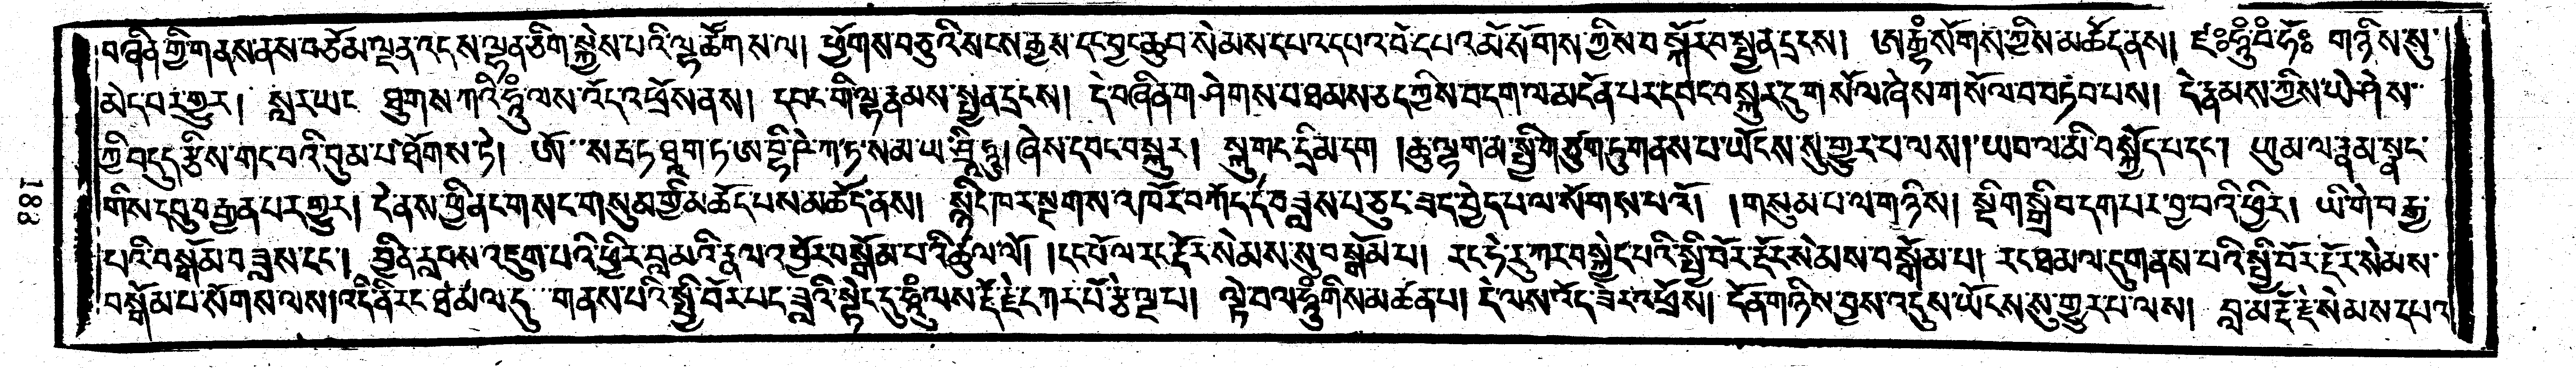བཞིན་གྱི་གནས་ནས་བཅོམ་ལྡན་འདས་ལྷན་ཅིག་སྐྱེས་པའི་ལྷ་ཚོགས་ལ། ཕྱོགས་བཅུའི་སངས་རྒྱས་དང་བྱང་ཆུབ་སེམས་དཔའ་དཔའ་བོ་དཔའ་མོ་སོགས་ཀྱིས་བསྐོར་བ་སྤྱན་དྲངས། ཨརྒྷཾ་སོགས་ཀྱིས་མཆོད་ནས། ཛཿ ཧཱུཾ་བཾ་ཧོཿ གཉིས་སུ་
མེད་པར་གྱུར། སླར་ཡང་ཐུགས་ཀའི་ཧཱུཾ་ལས་འོད་འཕྲོས་ནས། དབང་གི་ལྷ་རྣམས་སྤྱན་དྲངས། དེ་བཞིན་གཤེགས་པ་ཐམས་ཅད་ཀྱིས་བདག་ལ་མངོན་པར་དབང་བསྐུར་དུ་གསོལ་ཞེས་གསོལ་བ་བཏབ་པས། དེ་རྣམས་ཀྱིས་ཡེ་ཤེས་
ཀྱི་བདུད་རྩིས་གང་བའི་བུམ་པ་ཐོགས་ཏེ། ཨོ་སརྦ་ཏ་ཐཱ་ག་ཏ་ཨ་བྷི་ཥེ་ཀ་ཏ་ས་མ་ཡ་ཤྲཱི་ཧཱུ། ཞེས་དབང་བསྐུར། སྐུ་གང་དྲི་མ་དག །ཆུ་ལྷག་མ་སྤྱི་གཙུག་ཏུ་གནས་པ་ཡོངས་སུ་གྱུར་པ་ལས། ཡབ་ལ་མི་བསྐྱོད་པ་དང་། ཡུམ་ལ་རྣམ་སྣང་
གིས་དབུ་བརྒྱན་པར་གྱུར། དེ་ནས་ཕྱི་ནང་གསང་གསུམ་གྱི་མཆོད་པས་མཆོད་ནས། སྙིང་ཁར་སྔགས་འཁོར་བཀོད་དེ་བཟླས་པ་ཅུང་ཟད་བྱེད་པ་ལ་སོགས་པའོ། །གསུམ་པ་ལ་གཉིས། སྡིག་སྒྲིབ་དག་པར་བྱ་བའི་ཕྱིར། ཡི་གེ་བརྒྱ་
པའི་བསྒོམ་བཟླས་དང་། བྱིན་རླབས་འཇུག་པའི་ཕྱིར་བླ་མའི་རྣལ་འབྱོར་བསྒོམ་པའི་ཚུལ་ལོ། །དང་པོ་ལ་རང་རྡོར་སེམས་སུ་བསྒོམ་པ། རང་ཧེ་རུ་ཀར་བསྐྱེད་པའི་སྤྱི་བོར་རྡོར་སེམས་བསྒོམ་པ། རང་ཐ་མལ་དུ་གནས་པའི་སྤྱི་བོར་རྡོ་ར་སེམས་
བསྒོམ་པ་སོགས་ལས། འདི་ནི་རང་ཐ་མལ་དུ་གནས་པའི་སྤྱི་བོར་པད་ཟླའི་སྟེང་དུ་ཧཱུཾ་ལས་རྡོ་རྗེ་དཀར་པོ་རྩེ་ལྔ་པ། ལྟེ་བ་ལ་ཧཱུཾ་གིས་མཚན་པ། དེ་ལས་འོད་ཟེར་འཕྲོས། དོན་གཉིས་བྱས་འདུས་ཡོངས་སུ་གྱུར་པ་ལས། བླ་མ་རྡོ་རྗེ་སེམས་དཔའ་